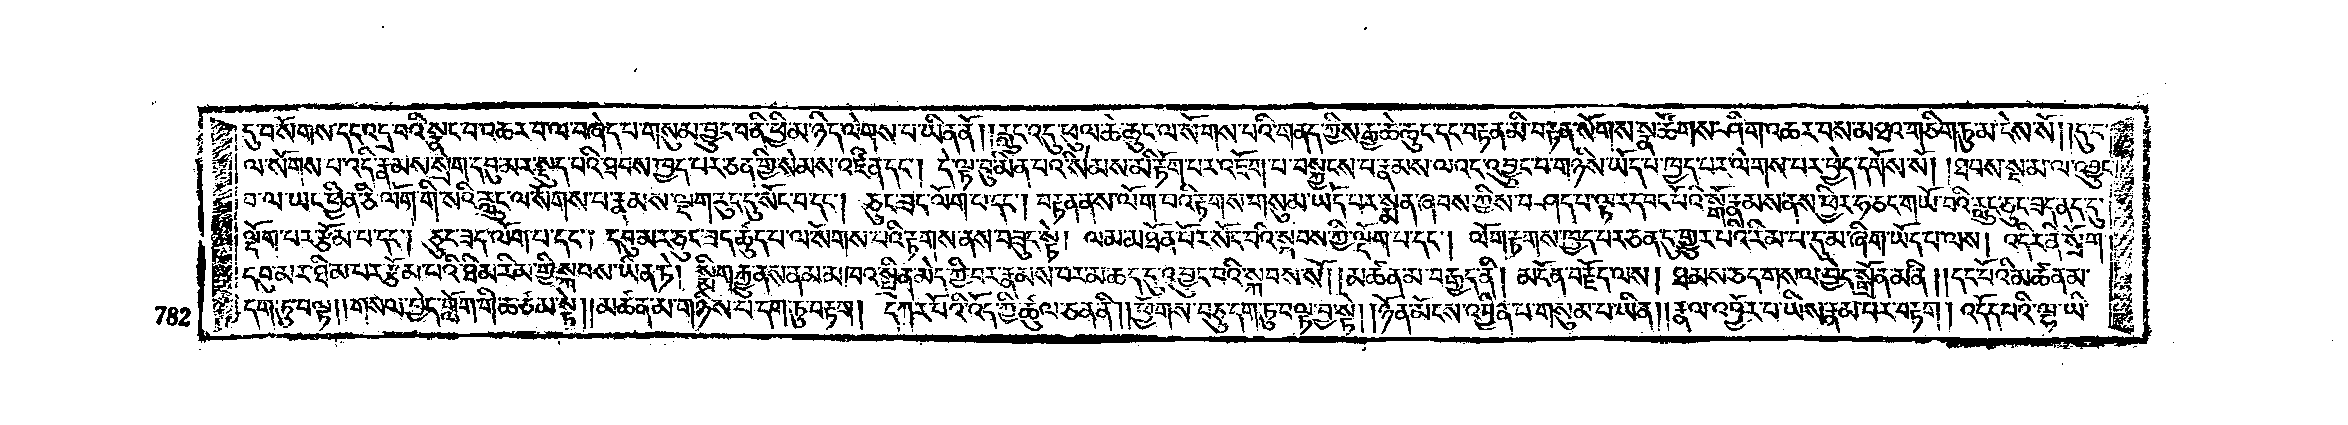དུ་བ་སོགས་དང་འདྲ་བའི་སྣང་བ་འཆར་བ་ལ་བཞེད་པ་གསུམ་བྱུང་བ་ནི་ཕྱི་མ་ཉིད་ལེགས་པ་ཡིན་ནོ། །རླུང་འདུ་ཕུལ་ཆེ་ཆུང་ལ་སོགས་པའི་གནད་ཀྱིས་རྒྱ་ཆེ་ཆུང་དང་བརྟན་མི་བརྟན་སོགས་སྣ་ཚོགས་ཤིག་འཆར་བས་མཐའ་གཅིག་ཏུ་མ་ངེས་སོ། །དུ་བ་
ལ་སོགས་པ་འདི་རྣམས་སྲོག་དབུ་མར་སྡུད་པའི་ཐབས་ཁྱད་པར་ཅན་གྱི་སེམས་འཛིན་དང་། དེ་ལྟ་བུ་མིན་པའི་སེམས་མི་རྟོག་པར་འཇོག་པ་བསྐྱངས་པ་རྣམས་ལའང་འབྱུང་བ་གཉིས་ཡོད་པ་ཁྱད་པར་ལེགས་པར་ཕྱེད་དགོས་སོ། །ཐབས་སྔ་མ་ལ་འབྱུང་
བ་ལ་ཡང་ཕྱིན་ཅི་ལོག་གི་སའི་རླུང་ལ་སོགས་པ་རྣམས་ལྡོག་རུང་དུ་སོང་བ་དང་། ཅུང་ཟད་ལོག་པ་དང་། བརྟན་ནས་ལོག་པའི་རྟགས་གསུམ་ཡོད་པར་སྨན་ཞབས་ཀྱིས་བཤད་པ་ལྟར་དབང་པོའི་སྒོ་རྣམས་ནས་ཕྱིར་ཧ་ཅང་གཡོ་བའི་རླུང་ཅུང་ཟད་ནང་དུ་
ལྡོག་པར་རྩོམ་པ་དང་། ཅུང་ཟད་ལོག་པ་དང་། དབུ་མར་ཅུང་ཟད་ཚུད་པ་ལ་སོགས་པའི་རྟགས་ནས་བཟུང་སྟེ། ལམ་མཐོན་པོར་སོང་བའི་སྐབས་ཀྱི་ལྡོག་པ་དང་། ལོག་རྟགས་ཁྱད་པར་ཅན་དུ་གྱུར་པའི་རིམ་པ་དུ་མ་ཞིག་ཡོད་པ་ལས། འདིར་ནི་སྲོག་
དབུ་མར་ཐིམ་པར་རྩོམ་པའི་ཐིམ་རིམ་གྱི་སྐབས་ཡིན་ཏེ། སྨིག་རྒྱུ་ནས་ནམ་མཁའ་སྤྲིན་མེད་ཀྱི་བར་རྣམས་བར་མ་ཆད་དུ་འབྱུང་བའི་སྐབས་སོ། །མཚན་མ་བརྒྱད་ནི། མངོན་བརྗོད་ལས། ཐམས་ཅད་གསལ་བྱེད་སྒྲོན་མ་ནི། །དང་པོའི་མཚན་མ་
དག་ཏུ་བལྟ། །གསལ་བྱེད་གློག་གི་ཆ་ཙམ་སྟེ། །མཚན་མ་གཉིས་པ་དག་ཏུ་བརྟག། དཀར་པོའི་འོད་ཀྱི་ཚུལ་ཅན་ནི། །ཕྱོགས་བཅུ་དག་ཏུ་བལྟ་བྱ་སྟེ། །ཉོན་མོངས་འབྱིན་པ་གསུམ་པ་ཡིན། །རྣལ་འབྱོར་པ་ཡིས་རྣམ་པར་བརྟག །འདོད་པའི་ལྷ་ཡི་